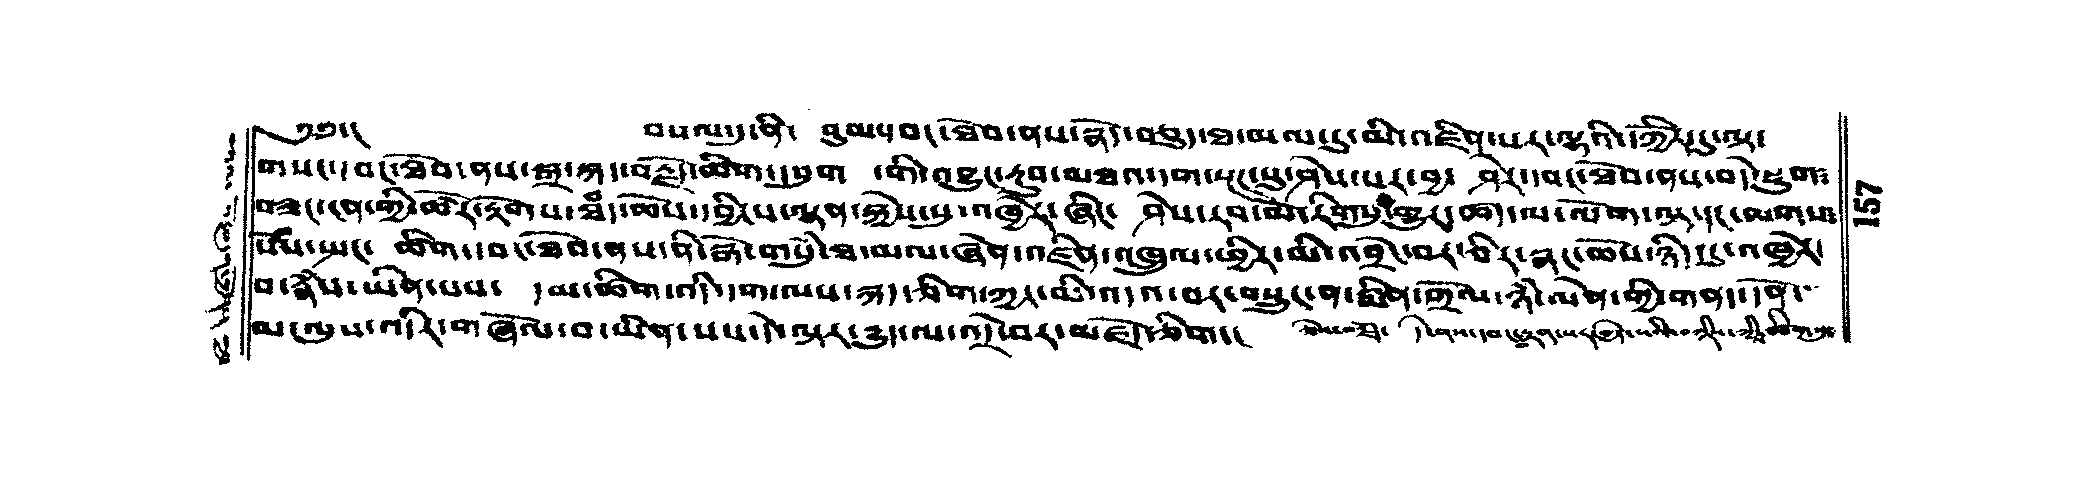བསལ་དུ་ནི། བུམ་དབང་ཐོབ་ནས་སྣོད་བཅུད་ཐ་མལ་དུ་མི་འཛིན་པར་ལྷའི་དཀྱིལ་འཁོར་དུ་ལྟ་
གསང་དབང་ཐོབ་ནས་སྒྲ་སྐད་བརྗོད་ཚིག་དཔུག་གི་འབྱུང་རྔུབ་མཐའ་དག་སྔགས་སུ་ཤེས་པར་བྱ་ཤེར་དབང་ཐོབ་ནས་བདེ་སྡུག་
་ངན་གྱི་ཚོར་རྟོགས་ཐམས་ཅད་ཆོས་དབྱིངས་ལྷན་སྐྱེས་སུ་འཁྱེར་ཞིང་། ཤེས་རབ་མོ་རིགས་སུ་འགྱུར་ཚད་ལ་ལོག་ལྟ་དང་ཆགས་
སེམས་སྤང་། ཚིག་དབང་ཐོབ་ནས་ནི་སྒོ་གསུམ་ཐ་མལ་ཞེན་འཛིན་འཁྲུལ་ཕྱིར་མི་འབྲེང་བར་ཅིར་སྣང་ཆོས་ཉིད་དུ་འཁྱེར་
བ་རྣམས་ཡིན་པས། དམ་ཚིག་འདི་དག་ལས་སྐད་ཅིག་ཀྱང་མི་འདའ་བར་བསྲུང་ན་སྨིན་གྲོལ་ཉམ་ལེན་གྱི་གནད་དོན་
མ་ལུས་འདིར་གཞོལ་བ་ཡིན་པས་དེ་ལྟར་རྒྱུད་ལ་འདྲེ་བར་མཛོད་ཅིག ཅེས་བརྗོད། དེ་ནས་དབང་བརྟན་པར་བྱེད་པའི་བཀྲ་ཤིས་ཀྱིས་ཚིགས་སུ་